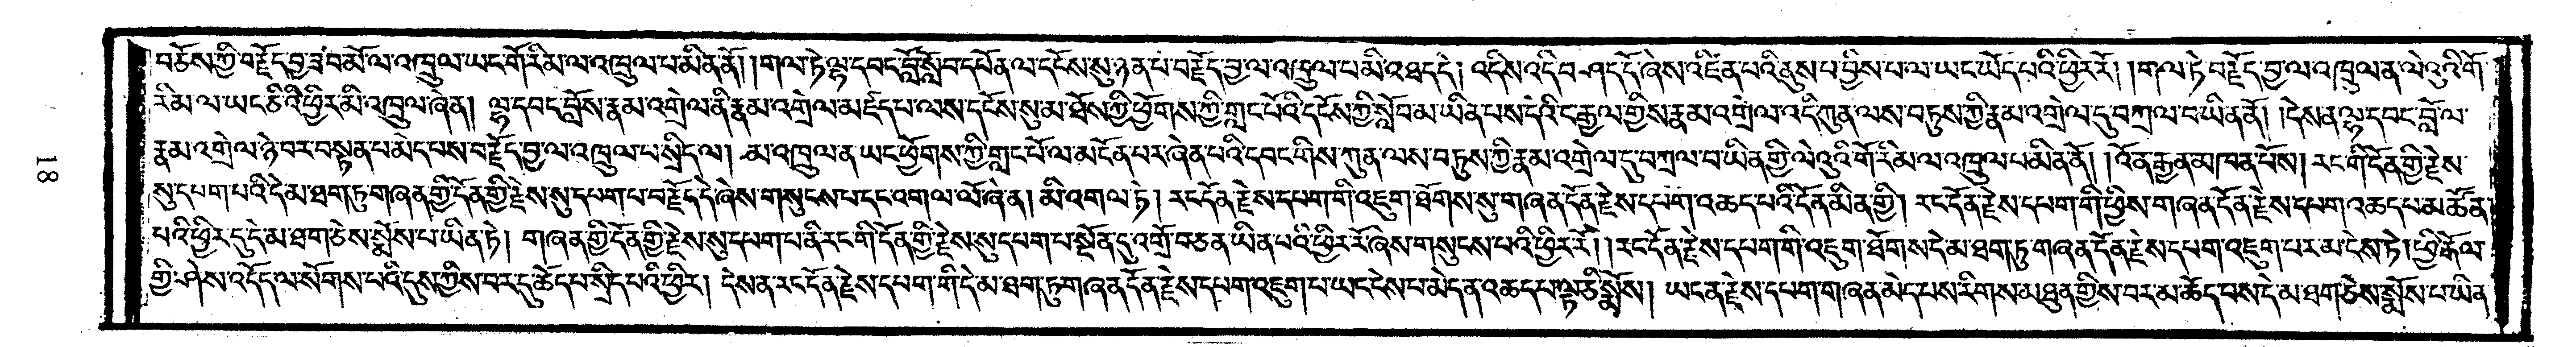བཅོས་ཀྱི་བརྗོད་བྱ་ཟབ་མོ་ལ་འཁྲུལ་ཡང་གོ་རིམ་ལ་འཁྲུལ་པ་མིན་ནོ། །གལ་ཏེ་ལྷ་དབང་བློ་སློབ་དཔོན་ལ་དངོས་སུ་ཉན་པ་བརྗོད་བྱ་ལ་འཁྲུལ་པ་མི་འཐད་དེ། འདིས་འདི་བཤད་དོ་ཞེས་འཛིན་པའི་ནུས་པ་བྱིས་པ་ལ་ཡང་ཡོད་པའི་ཕྱིར་རོ། །གལ་ཏེ་བརྗོད་བྱ་ལ་འཁྲུལ་ན་ལེའུའི་གོ་
རིམ་ལ་ཡང་ཅིའི་ཕྱིར་མི་འཁྲུལ་ཞེ་ན། ལྷ་དབང་བློས་རྣམ་འགྲེལ་ནི་རྣམ་འགྲེལ་མཛད་པ་ལས་དངོས་སུ་མ་ཐོས་ཀྱི་ཕྱོགས་ཀྱི་གླང་པོའི་དངོས་ཀྱི་སློབ་མ་ཡིན་པས་དེའི་ང་རྒྱལ་གྱིས་རྣམ་འགྲེལ་འདི་ཀུན་ལས་བཏུས་ཀྱི་རྣམ་འགྲེལ་དུ་བཀྲལ་བ་ཡིན་ནོ། །དེས་ན་ལྷ་དབང་བློ་ལ་
རྣམ་འགྲེལ་ཉེ་བར་བསྟན་པ་མེད་པས་བརྗོད་བྱ་ལ་འཁྲུལ་པ་སྲིད་ལ། མ་འཁྲུལ་ན་ཡང་ཕྱོགས་ཀྱི་གླང་པོ་ལ་མངོན་པར་ཞེན་པའི་དབང་གིས་ཀུན་ལས་བཏུས་ཀྱི་རྣམ་འགྲེལ་དུ་བཀྲལ་བ་ཡིན་གྱི་ལེའུའི་གོ་རིམ་ལ་འཁྲུལ་པ་མིན་ནོ། །འོ་ན་རྒྱན་མཁན་པོས། རང་གི་དོན་གྱི་རྗེས་
སུ་དཔག་པའི་དེ་མ་ཐག་ཏུ་གཞན་གྱི་དོན་གྱི་རྗེས་སུ་དཔག་པ་བརྗོད་དེ་ཞེས་གསུངས་པ་དང་འགལ་ལོ་ཞེ་ན། མི་འགལ་ཏེ། རང་དོན་རྗེས་དཔག་གི་འཇུག་ཐོགས་སུ་གཞན་དོན་རྗེས་དཔག་འཆད་པའི་དོན་མིན་གྱི། རང་དོན་རྗེས་དཔག་གི་ཕྱིས་གཞན་དོན་རྗེས་དཔག་འཆད་པ་མཚོན་
པའི་ཕྱིར་དུ་དེ་མ་ཐག་ཅེས་སྨོས་པ་ཡིན་ཏེ། གཞན་གྱི་དོན་གྱི་རྗེས་སུ་དཔག་པ་ནི་རང་གི་དོན་གྱི་རྗེས་སུ་དཔག་པ་སྔོན་དུ་འགྲོ་བ་ཅན་ཡིན་པའི་ཕྱིར་རོ་ཞེས་གསུངས་པའི་ཕྱིར་རོ། །རང་དོན་རྗེས་དཔག་གི་འཇུག་ཐོགས་དེ་མ་ཐག་ཏུ་གཞན་དོན་རྗེས་དཔག་འཇུག་པར་མ་ངེས་ཏེ། ཕྱི་རྒོལ་
གྱི་ཤེས་འདོད་ལ་སོགས་པའི་དུས་ཀྱིས་བར་དུ་ཆོད་པ་སྲིད་པའི་ཕྱིར། དེས་ན་རང་དོན་རྗེས་དཔག་གི་དེ་མ་ཐག་ཏུ་གཞན་དོན་རྗེས་དཔག་འཇུག་པ་ཡང་ངེས་པ་མེད་ན་འཆད་པ་ལྟ་ཅི་སྨོས། ཡང་ན་རྗེས་དཔག་གཞན་མེད་པས་རིགས་མཐུན་གྱིས་བར་མཆོད་པས་དེ་མ་ཐག་ཅེས་སྨོས་པ་ཡིན་